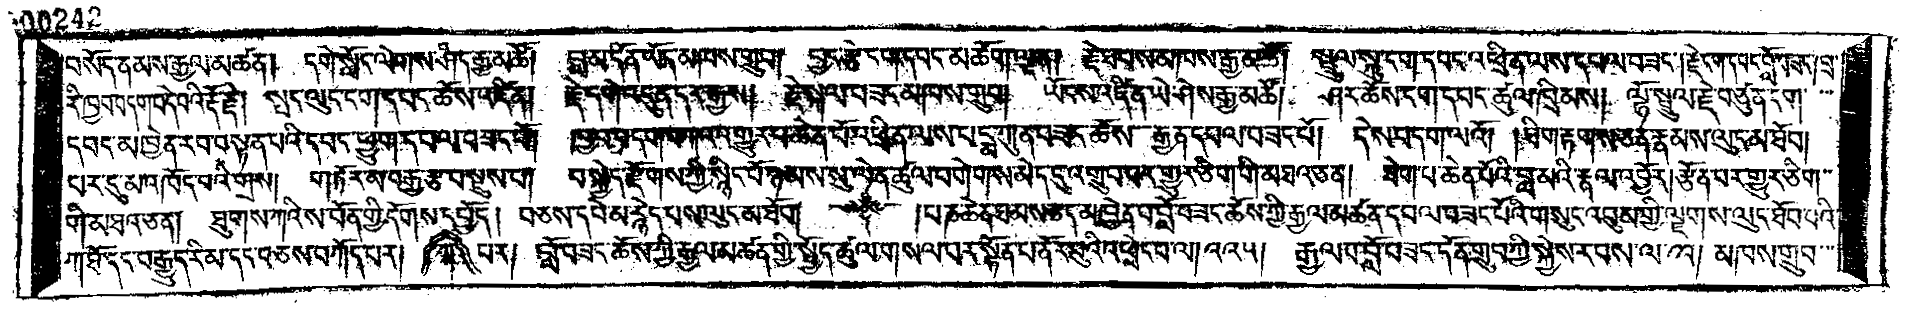བསོད་ནམས་རྒྱལ་མཚན། དགེ་སློང་ལེགས་བཤད་རྒྱ་མཚོ། བླ་མ་དོན་ཡོད་མཁས་གྲུབ། བྱང་རྩེ་ངག་དབང་མཆོག་ལྡན། རྗེ་ཐབས་མཁས་རྒྱ་མཚོ། སྤྲུལ་སྐུ་ངག་དབང་འཕྲིན་ལས་དཔལ་བཟང་། རྗེ་ངག་དབང་བློ་བཟང་ཁྲ་
རི་ཁྱབ་བདག་བདེ་བའི་རྡོ་རྗེ། སྤང་ལུང་ངག་དབང་ཆོས་འཛིན། རྗེ་དགེ་འདུན་དར་རྒྱས། རྗེ་སྐལ་བཟང་མཁས་གྲུབ། ཡོངས་འཛིན་ཡེ་ཤེས་རྒྱ་མཚོ། ཤར་ཆོས་ངག་དབང་ཚུལ་ཁྲིམས། ལྷོ་སྤྲུལ་རྗེ་བཙུན་ངག་
དབང་མཁྱེན་རབ་བསྟན་པའི་དབང་ཕྱུག་དཔལ་བཟང་པོ། ཁྱབ་བདག་བཀའ་འགྱུར་བ་ཆེན་པོ་འཕྲིན་ལས་པདམ་ཀུན་བཟང་ཆོས་རྒྱན་དཔལ་བཟང་པོ། དེས་བདག་ལའོ། །ཐིག་རྟགས་ཅན་རྣམས་ལུང་མ་ཐོབ།
པར་དུ་མ་འཁོད་པའི་གྲས། གཏོར་མ་བརྒྱ་རྩ་བསྡུས་པ། བསྐྱེད་རྫོགས་ཀྱི་སྙིང་པོ་ཉམས་སུ་ལེན་ཚུལ་བགེགས་མེད་དུ་འགྲུབ་པར་གྱུར་ཅིག་གི་མཐའ་ཅན། ཐེག་པ་ཆེན་པོའི་བླ་མའི་རྣལ་འབྱོར། རྩོན་པར་གྱུར་ཅིག་
གི་མཐའ་ཅན། ཐུགས་ཀའི་ས་བོན་གྱི་དོགས་དཔྱོད། བཅས་དཔེ་མ་རྙེད་པས་ལུང་མ་ཐོབ། ?་།པཎ་ཆེན་ཐམས་ཅད་མཁྱེན་པ་བློ་བཟང་ཆོས་ཀྱི་རྒྱལ་མཚན་དཔལ་བཟང་པོའི་གསུང་འབུམ་གྱི་ལྗགས་ལུང་ཐོབ་པའི་
ཀ་ཐོ་དང་བརྒྱུད་རིམ་དང་བཅས་བཀོད་པར། ༼༽ཀ༼༽ པར། བློ་བཟང་ཆོས་ཀྱི་རྒྱལ་མཚན་གྱི་སྤྱོད་ཚུལ་གསལ་བར་སྟོན་པ་ནོར་བུའི་འཕྲེང་བ་ལ། ༢༢༥། རྒྱལ་བ་བློ་བཟང་དོན་གྲུབ་ཀྱི་སྐྱེས་རབས་ལ ༣། མཁས་གྲུ་